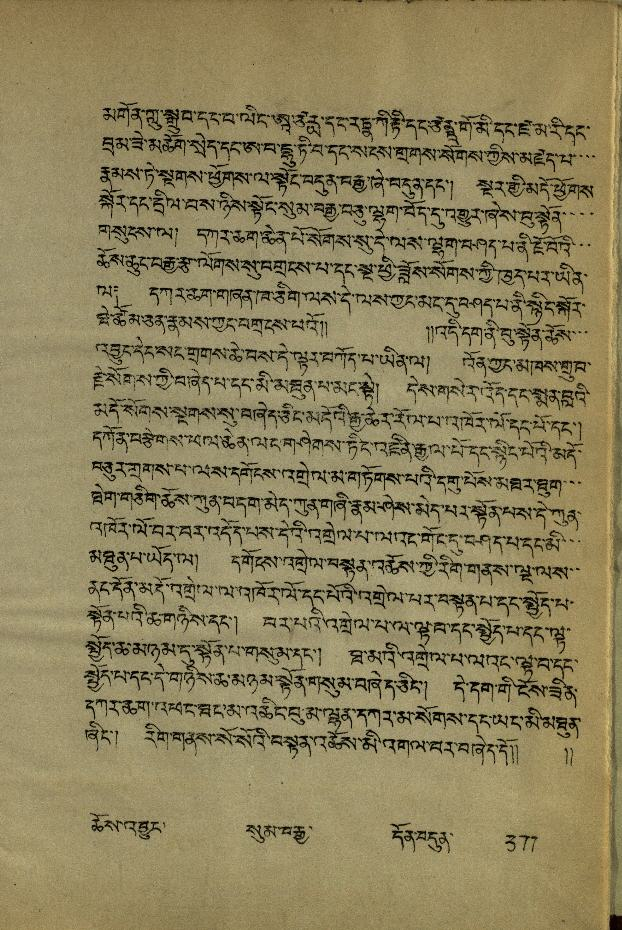མགོན་ཀླུ་སྒྲུབ་དང་བ་ལིང་ཨཱ་ཙརྱ་དང་རཏྣ་ཀིརྟི་དང་ཙནྡྲ་གོ་མི་དང་ཛ་མ་རི་དང་
བྲམ་ཟེ་མཆོག་སྲེད་དང་ཨ་བ་དྷུ་ཏི་བ་དང་སངས་གྲགས་སོགས་ཀྱིས་མཛད་པ་
རྣམས་ཏེ་སྔགས་ཕྱོགས་ལ་སྟོང་བདུན་བརྒྱན་ཞེ་བདུན་དང་། སྔར་གྱི་མདོ་ཕྱོགས་
སྐོར་དང་དྲིལ་བས་ཉིས་སྟོང་སུམ་བརྒྱ་བཅུ་ལྷག་བོད་དུ་འགྱུར་ཞེས་བུ་སྟོན་
གསུངས་ལ། དཀར་ཆག་ཆེན་པོ་སོགས་སུ་དེ་ལས་ལྷག་བཤད་པ་ནི་ཇོ་བོའི་
ཆོས་ཆུང་བརྒྱ་རྩ་ལོགས་སུ་བགྲངས་པ་དང་སྔ་ཕྱི་ཟློས་སོགས་ཀྱི་ཁྱད་པར་ཡིན་
ལ༑ དཀར་ཆག་གཞན་ཁ་ཅིག་ལས་དེ་ལས་ཀྱང་མང་དུ་བཤད་པ་ནི་སྙིང་སྐོར་
ཐེ་སོམ་ཅན་རྣམས་ཀྱང་བགྲངས་པའོ།། །།འདི་དག་ནི་བུ་སྟོན་ཆོས་
འབྱུང་དེང་སྣག་གྲགས་ཆེ་བས་དེ་ལྟར་བཀོད་པ་ཡིན་ལ། འོན་ཀྱང་མཁས་གྲུབ་
རྗེ་སོགས་ཀྱི་བཞེད་པ་དང་མི་མཐུན་པ་མང་སྟེ། དེས་གསེར་འོད་དང་སྨན་བླའི་
མདོ་སོགས་སྔགས་སུ་བཞེད་ཅིང་མདོའི་རྒྱ་ཆེར་རོལ་པ་འཁོར་ལོ་དང་པོ་དང་།
དཀོན་བརྩེགས་ཕལ་ཆེན་ལང་གཤེགས་ཏིང་འཛིན་རྒྱལ་པོ་དང་སྙིང་པོའི་མདོ་
བཅུར་གྲགས་པ་ལས་དགོངས་འགྲེལ་མ་གཏོགས་པའི་དགུ་པོས་མཐར་ཐུག་
ཐེག་གཅིག་ཆོས་ཀུན་བདག་མེད་ཀུན་གཞི་རྣམ་ཤེས་མེད་པར་སྟོན་པས་དེ་ཀུན་
འཁོར་ལོ་བར་བར་འདོད་པས་དེའི་འགྲེལ་བ་ལའང་གོང་དུ་བཤད་པ་དང་མི་
མཐུན་པ་ཡོད་ལ། དགོངས་འགྲེལ་བསྟན་འཆོས་ཀྱི་རིག་གནས་ལྔ་ལས་
ནང་དོན་མདོ་འགྲེལ་ལ་འཁོར་ལོ་དང་པོའི་འགྲེལ་པར་བསྟན་པ་དང་སྤྱོད་པ་
སྟོན་པའི་ཆ་གཉིས་དང་། བར་པའི་འགྲེལ་པ་ལ་ལྟ་བ་དང་སྤྱོད་པ་དང་ལྟ་
སྤྱོད་ཆ་མཉམ་དུ་སྟོན་པ་གསུམ་དང་། ཐ་མའི་འགྲེལ་པ་ལའང་ལྟ་བ་དང་
སྤྱོད་པ་དང་དེ་གཉིས་ཆ་མྱམ་སྟོན་གསུམ་བཞེད་ཅིང་། དེ་དག་གི་ངོས་ཟིན་
དཀར་ཆག་འཕང་ཐང་མ་འཆིང་བུ་མ་ལྷན་དཀར་མ་སོགས་དང་ཡང་མི་མཐུན་
ཞིང་། རིག་གནས་སོ་སོའི་བསྟན་འཆོས་མི་འགལ་བར་བཞེད་དོ།། །།